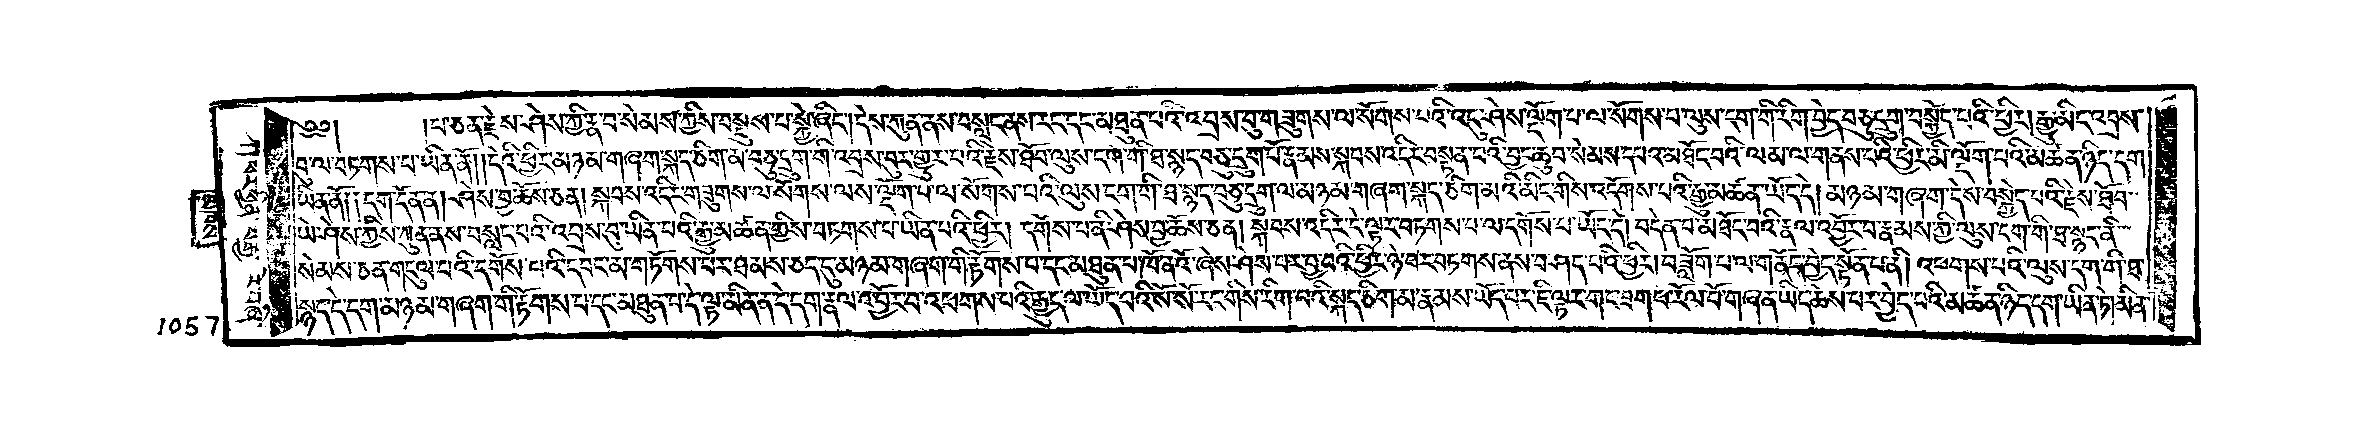༄༅། །པ་ཅན་རྗེས་ཤེས་ཀྱི་རྣ་བ་སེམས་ཀྱིས་བསྡུས་པ་སྐྱེ་ཞིང་། དེས་ཀུན་ནས་བསླང་ནས་རང་དང་མཐུན་པའི་འབྲས་བུ་གཟུགས་ལ་སོགས་པའི་འདུ་ཤེས་ལྡོག་པ་ལ་སོགས་པ་ལུས་ངག་གི་རིག་བྱེད་བཅུ་དྲུག་བསྐྱོད་པའི་ཕྱིར། རྒྱུ་མིང་འབྲས་
བུ་ལ་བཏགས་པ་ཡིན་ནོ། །དེའི་ཕྱིར་མཉམ་གཞག་སྐད་ཅིག་མ་བཅུ་དྲུག་གི་འབྲས་བུར་གྱུར་པའི་རྗེས་ཐོབ་ལུས་ངག་གི་ཐ་སྙད་བཅུ་དྲུག་པོ་རྣམས་སྐབས་འདིར་བསྟན་པའི་བྱང་ཆུབ་སེམས་དཔའ་མཐོང་བའི་ལམ་ལ་གནས་པའི་ཕྱིར་མི་ལྡོག་པའི་མཚན་ཉིད་དག་
ཡིན་ནོ། །དག་དོན་ན། ཤེས་བྱ་ཆོས་ཅན། སྐབས་འདིར་གཟུགས་ལ་སོགས་ལས་ལྡོག་པ་ལ་སོགས་པའི་ལུས་ངག་གི་ཐ་སྙད་བཅུ་དྲུག་ལ་མཉམ་གཞག་སྐད་ཅིག་མའི་མིང་གིས་འདོགས་པའི་རྒྱུ་མཚན་ཡོད་དེ། མཉམ་གཞག་དེས་བསྐྱེད་པའི་རྗེས་ཐོབ་
ཡེ་ཤེས་ཀྱིས་ཀུན་ནས་བསླང་བའི་འབྲས་བུ་ཡིན་པའི་རྒྱུ་མཚན་གྱིས་བཏགས་པ་ཡིན་པའི་ཕྱིར། དགོས་པ་ནི་ཤེས་བྱ་ཆོས་ཅན། སྐབས་འདིར་དེ་ལྟར་བཏགས་པ་ལ་དགོས་པ་ཡོད་དེ། བདེན་པ་མཐོང་བའི་རྣལ་འབྱོར་བ་རྣམས་ཀྱི་ལུས་ངག་གི་ཐ་སྙད་ནི་
སེམས་ཅན་གདུལ་པའི་དགོས་པའི་དབང་མ་གཏོགས་པར་ཐམས་ཅད་དུ་མཉམ་གཞག་གི་རྟོགས་པ་དང་མཐུན་པ་ཁོ་ནའོ་ཞེས་ཤེས་པར་བྱ་བའི་ཕྱིར་ཉེ་བར་བཏགས་ནས་བཤད་པའི་ཕྱིར། བཟློག་པ་ལ་གནོད་བྱེད་སྟོན་པ་ནི། འཕགས་པའི་ལུས་ངག་གི་ཐ་
སྙད་དེ་དག་མཉམ་གཞག་གི་རྟོགས་པ་དང་མཐུན་པ་དེ་ལྟ་མིན་ན་དེ་དག་རྣལ་འབྱོར་བ་འཕགས་པའི་རྒྱུད་ལ་ཡོད་པའི་སོ་སོ་རང་གིས་རིག་པའི་སྐད་ཅིག་མ་རྣམས་ཡོད་པར་ཇི་ལྟར་གང་ཟག་ཕ་རོལ་པོ་གཞན་ཡིད་ཆེས་པར་བྱེད་པའི་མཚན་ཉིད་དག་ཡིན་ཏེ། མིན་